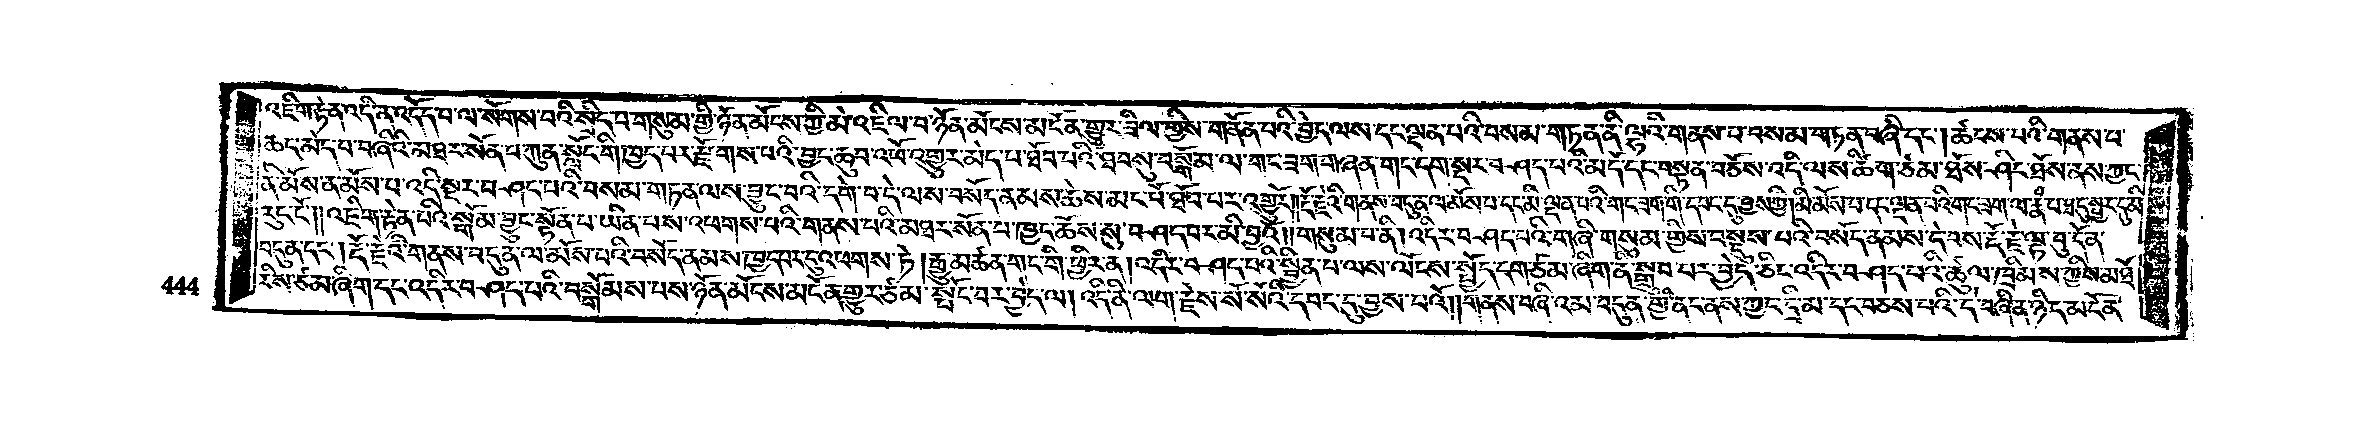འཇིག་རྟེན་འདི་ན་འདོད་པ་ལ་སོགས་པའི་སྲིད་པ་གསུམ་གྱི་ཉོན་མོངས་ཀྱི་མེ་འཇིལ་བ་ཉོན་མོངས་མངོན་གྱུར་ཟིལ་གྱིས་གནོན་པའི་བྱེད་ལས་དང་ལྡན་པའི་བསམ་གཏན་ནི་ལྷའི་གནས་པ་བསམ་གཏན་བཞི་དང་། ཚངས་པའི་གནས་པ་
ཆད་མེད་པ་བཞིའི་མཐར་སོན་པ་ཀུན་སློང་གི་ཁྱད་པར་རྫོགས་པའི་བྱང་ཆུབ་འཕོ་འགྱུར་མེད་པ་ཐོབ་པའི་ཐབས་སུ་བསྒོམ་ལ་གང་ཟག་གཞན་གང་དག་སྔར་བཤད་པའི་མདོ་དང་བསྟན་བཅོས་འདི་ལས་ཚིག་ཙམ་ཤིང་ཐོས་ནས་ཀྱང་
ནི་མོས་ན་མོས་པ་འདི་སྔར་བཤད་པའི་བསམ་གཏན་ལས་བྱུང་བའི་དགེ་བ་དེ་ལས་བསོད་ནམས་ཆེས་མང་པོ་ཐོབ་པར་གྱུར། །རྡོ་རྗེའི་གནས་བདུན་ལ་མོས་པ་དང་མི་ལྡན་པའི་གང་ཟག་གི་དབང་དུ་བྱས་ཀྱི། མི་མོས་པ་དང་ལྡན་པའི་གང་ཟག་ལ་རྣམ་པ་ཐ་དུ་སྦྱར་དུ་མི་
རུང་ངོ། །འཇིག་རྟེན་པའི་སྒོམ་བྱུང་སྟོན་པ་ཡིན་པས་འཕགས་པའི་གནས་པའི་མཐར་སོན་པ་ཁྱད་ཆོས་སུ་བཤད་པར་མི་བྱའོ། །གསུམ་པ་ནི། འདིར་བཤད་པའི་གཞི་གསུམ་གྱིས་བསྡུས་པའི་བསོད་ནམས་དེ་བས་རྡོ་རྗེ་ལྟ་བུ་དོན་
བདུན་དང་། རྡོ་རྗེའི་གནས་བདུན་ལ་མོས་པའི་བསོད་ནམས་ཁྱད་པར་དུ་འཕགས་ཏེ། རྒྱུ་མཚན་གང་གི་ཕྱིར་ན། འདིར་བཤད་པའི་སྦྱིན་པ་ལས་ལོངས་སྤྱོད་དག་ཙམ་ཞིག་ནི་སྒྲུབ་པར་བྱེད་ཅིང་འདིར་བཤད་པའི་ཚུལ་ཁྲིམས་ཀྱི་མཐོ་
རིས་ཙམ་ཞིག་དང་འདིར་བཤད་པའི་བསྒོམས་པས་ཉོན་མོངས་མངོན་གྱུར་ཙམ་སྤོང་བར་བྱེད་ལ། འདི་ནི་ལག་རྗེས་སོ་སོའི་དབང་དུ་བྱས་པའོ། །གནས་བཞི་འམ་བདུན་གྱི་ནང་ནས་ཀྱང་དྲི་མ་དང་བཅས་པའི་དེ་བཞིན་ཉིད་མངོན་